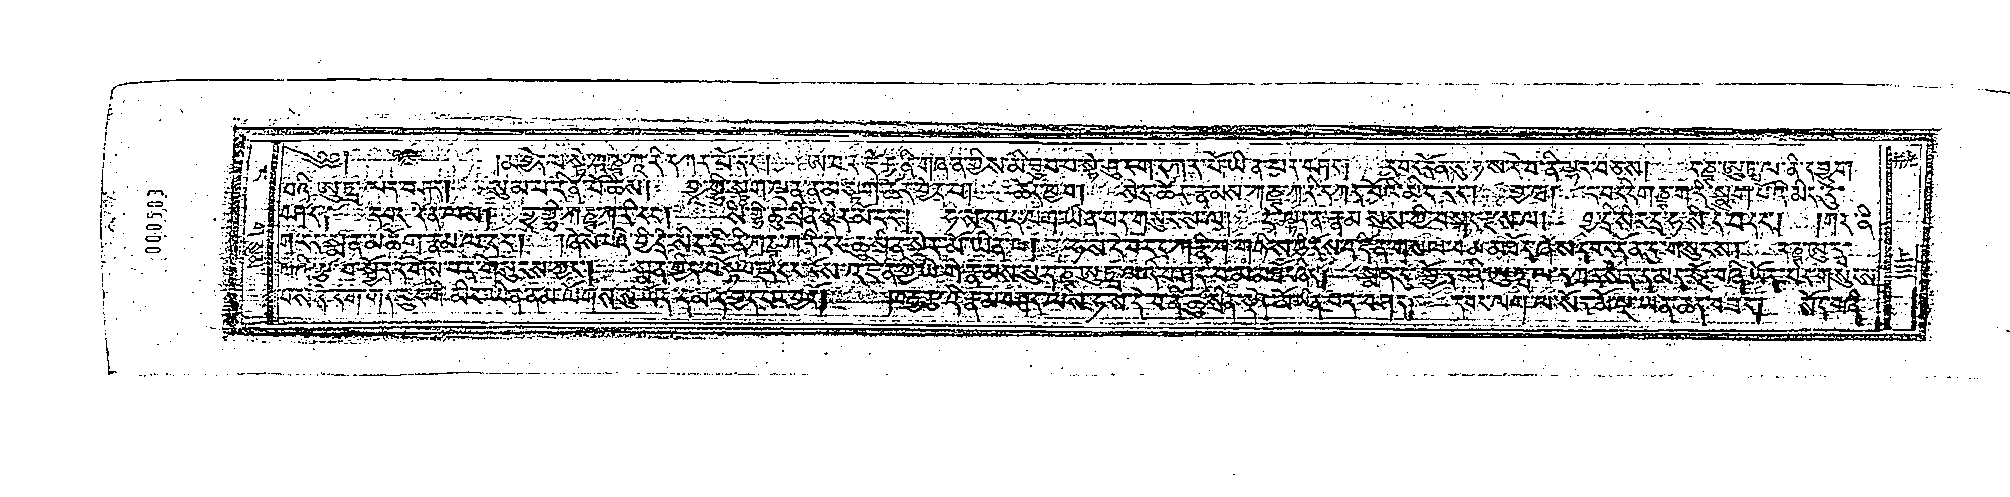༄༅། །མ་བྱེད་པ་སྟེ་ཀཱཎྚ་ཀཱ་རི་དཀར་པོ་དང་། ཨ་བ་ར་ཛི་ཏ་ནི་གཞན་གྱིས་མི་ཐུབ་པ་སྟེ་ཤུ་ངག་དཀར་པོ་ཡིན་པར་བཤད། དབང་དོན་དུ་ཧ་ས་དེ་བ་ནི་ལྷར་བཅས། དཎྚ་ཨུཏྤལ་ནི་དབྱུག་
པའི་ཨུཏྤ་ལར་བཤད། སུམ་པ་རིན་པོ་ཆེས། བྱཱ་གྷྲི་སྟག་ལྡན་ནམ་སྟག་ཚེར་བྱེད་པ། ཚེར་ཁྱབ། སེང་ཚེར་རྣམས་ཀཎྚ་ཀ་རི་དཀར་བོའི་མིང་དང་། བྱ་ཝ། ར་པ་དིང་གཎྚ་ག་རི་སྨུག་པོའི་མིང་དུ་
བཤད༑ དབང་དོན་ལས། བྱཱ་གྷྲི་ཀཎྚ་ཀ་རི་དང་། སིཾ་གྷྲི་ཆུ་སྲིན་སྡེར་མོ་དང་། ཧ་ས་དབང་ལག་ཡིན་པར་གསུངས་ལ། དེ་ལྟར་ན་རྣམ་སྲས་ཀྱི་བསྐང་རྫས་ལ། བྱ་དྲི་སིང་དྲ་ཧ་སི་དེ་བ་དང་། །གར་ནི་
ག་དང་སྨན་མཆོག་རྣམ་ལ་དང་། །ཞེས་པའི་བྱི་དྲི་སིང་དྲི་ནི་ཀཎྚ་ཀ་རི་དང་ཆུ་སྲིན་སྡེར་མོ་ཡིན་ལ། ཧ་ས་དེ་བ་དང་ཀརྣི་ཀ་གཉིས་ཀྱི་ངོས་འཛིན་གསལ་བ་མ་མཐོང་ཞེས་དབང་དོན་དུ་གསུངས། རཎྚ་ཨུདཔ་
ལའི་རྩ་བ་སྦྱོར་དགོས་པར་གསུངས་ཀྱང་། སྨན་གྱིས་སྟོབས་རྫས་དང་ངོས་འཛིན་གྱི་ཡི་གེ་རྣམས་སུ་རཎྚ་ཨུཏྤ་ལའི་བཤད་པ་མ་མཐོང་ཞིང་། སྨན་དུ་སྦྱོད་བའི་ཨུཏྤལ་དཀར་སེར་དམར་སྔོ་བཞི་ཡོད་པར་གསུངས་
པས་དེ་དག་གང་རུང་གི་མིང་ཡིན་ནམ་ལོགས་སུ་ཡོད་དམ་དབྱད་པར་བྱའོ། །བརྒྱ་རྩའི་རྣམ་བཤད་ལས་ཧ་ས་དེ་བ་ནི་ཆུ་སྲིན་སྡེར་མོ་ཡིན་པར་བཤད། དབང་ལག་ལ་སོར་མོ་ལྔ་ཡན་ཆད་བཟང་། སོར་བཞི་